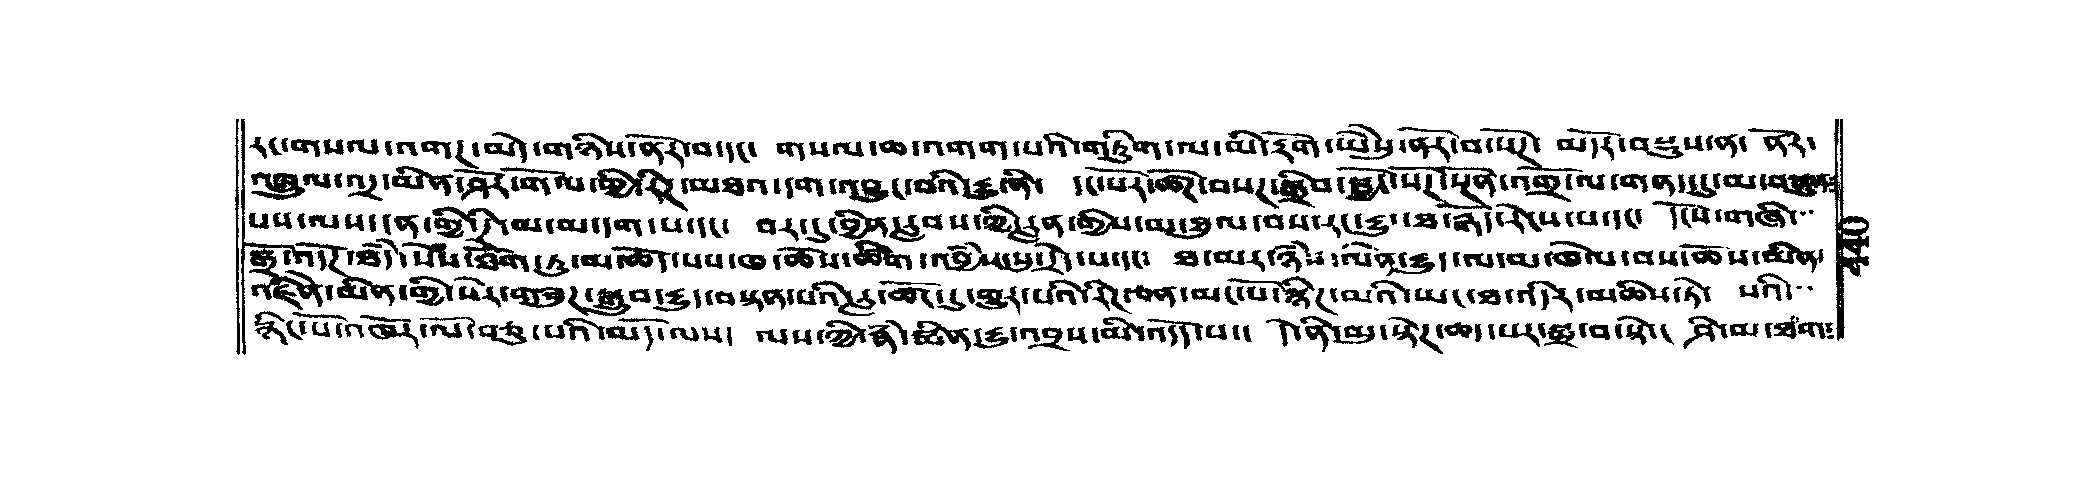རང་གསལ་འགགས་མེད་གཉིས་ནོར་བ་དང་། གསལ་ཆ་འགག་པའི་གཏི་མུག་ལ་མི་རྟོག་ཡེ་ཤེས་སུ་ནོར་བ་སོགས། མདོར་བསྡུས་ན། ནོར་
འཁྲུལ་འདྲ་མིན་ཤོར་གོལ་གྱི་རིགས་མཐའ་དག་འབྱུང་བའི་རྒྱུ་ནི། དང་པོར་ཚོགས་བསགས་སྒྲིབ་སྦྱོང་སོགས་སྔོན་འགྲོ་ལ་གནད་དུ་མ་བསྣུན་
པས་ལས་ངན་གྱི་དྲི་མ་མ་དག་པ་དང་། བར་དུ་བྱིན་རླབས་ཀྱི་རླན་གྱིས་མ་ཐུལ་བས་རང་རྒྱུད་ཐ་རྒོད་དུ་རེངས་པ་དང་། དངོས་གཞི་
སྒྲོ་འདོགས་ཐམས་ཅད་སེམས་ཐོག་ཏུ་མ་ཆོད་པས་ཁ་ཆོས་ཚིག་འབྱམས་སུ་དྲེད་པ་དང་། མཐའ་མར་ཉམས་ལེན་རྒྱུད་ལ་མ་ཁེལ་བས་ཆོས་མིན་
འཇིག་རྟེན་མིན་གྱི་སེར་གཟུགས་སྒྲུབ་རྒྱུད་བསྟན་པའི་རླ་ཚོང་དུ་གྱུར་པའི་རིགས་ཅན་མང་པོ་སྙིགས་མའི་ཡང་ཐ་འདིར་མཆིས་ཏེ། སའི་
སྙིང་པོ་འཁོར་ལོ་བཅུ་པའི་མདོ་ལས། ལས་ཀྱི་རྣམ་སྨིན་རྒྱུ་འབྲས་མི་འདོད་པ། །དེ་ནི་མུ་སྟེགས་ཆད་པར་སྨྲ་བ་སྟེ། །ཤི་མ་ཐག་